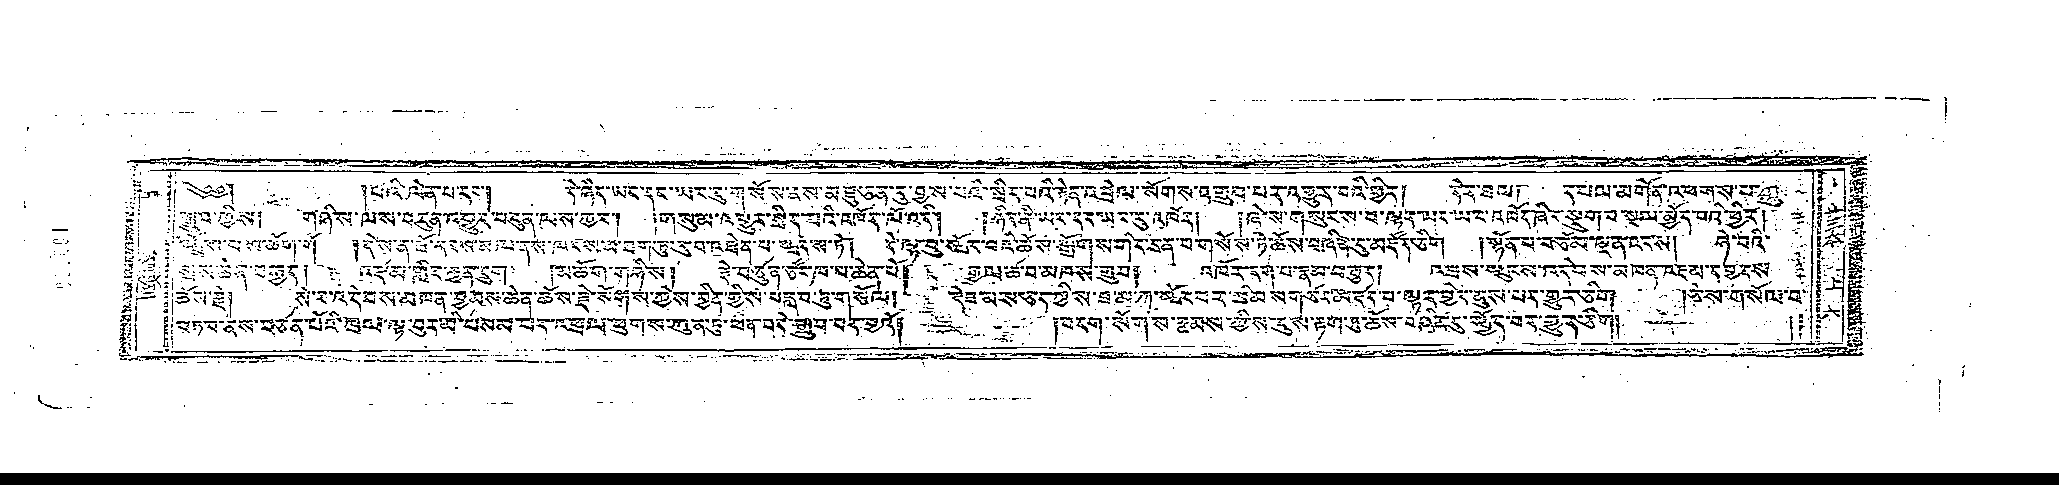༄༅། །པའི་ལེན་པ་དང་། དེ་ཉིད་ཡང་དང་ཡང་དུ་གསོས་ནས་མཐུ་ཅན་དུ་བྱས་པའི་སྲིད་པའི་རྟེན་འབྲེལ་སོགས་འགྲུབ་པར་འགྱུར་བའི་ཕྱིར། དེར་ཐལ། དཔལ་མགོན་འཕགས་བ་ཀླུ་
སྒྲུབ་ཀྱིས། གཉིས་ལས་བདུན་འབྱུང་བདུན་ལས་ཀྱང་། །གསུམ་འབྱུང་སྲིད་པའི་འཁོར་ལོ་འདི། །ཉིད་ནི་ཡང་དང་ཡང་དུ་འཁོར། །ཞེས་གསུངས་བ་ལྟར་ཡང་ཡང་འཁོད་ཞིང་སྡུག་བསྔལ་མྱོང་བའི་ཕྱིར།
སྤོས་པས་ཆོག་གོ །དེས་ན་ཐོ་རངས་མལ་ནས་ལངས་མ་ཐག་ཏུ་དུ་བ་འཐེན་པ་སྤངས་ཏེ། དེ་ལྟ་བུ་སྤོང་བའི་ཆོས་སྒྲོགས་གིང་དྲན་བ་གསེས་ཏེ་ཆེས་བཞིན་དུ་མཛོད་ཅིག །སྟོན་པ་བཅོམ་ལྡན་འདས། ཉེ་བའི་
སྲས་ཆེན་བརྒྱད། འཛམ་གླིང་རྒྱན་དྲུག །མཆོག་གཉིས། རྗེ་བཙུན་ཙོང་ཁ་པ་ཆེན་པོ། རྒྱལ་ཚབ་མཁས་གྲུབ། འཁོར་དག་པ་རྣམ་བརྒྱད། འབྲས་སྤུངས་འདེབས་མཁན་འཇམ་དབྱངས་
ཆོས་རྗེ། སེར་འདེབས་མཁན་བྱམས་ཆེན་ཆོས་རྗེ་སོགས་ཀྱིས་བྱིན་གྱིས་བརླབ་ཏུ་གསོལ། དེ་ཐམས་ཅད་ཀྱིས་ཐམ་ཀ་སྤོང་བར་ཁྲིམས་གཙང་མཛད་པ་ལྟར་བྱེད་ནུས་པར་གྱུར་ཅིག །ཅེས་གསོལ་བ་
བཏབ་ནས་བཙན་པོའི་ཁྲལ་ལྟ་བུར་མི་བསམ་བར་འཕྲལ་ཕུགས་ཀུན་ཏུ་ཕན་བདེ་སྒྲུབ་པར་བྱའོ། །བདག་སོགས་རྣམས་ཀྱིས་དུས་རྟག་ཏུ་ཆོས་བཞིན་དུ་སྤྱོད་བར་གྱུར་ཅིག། །།